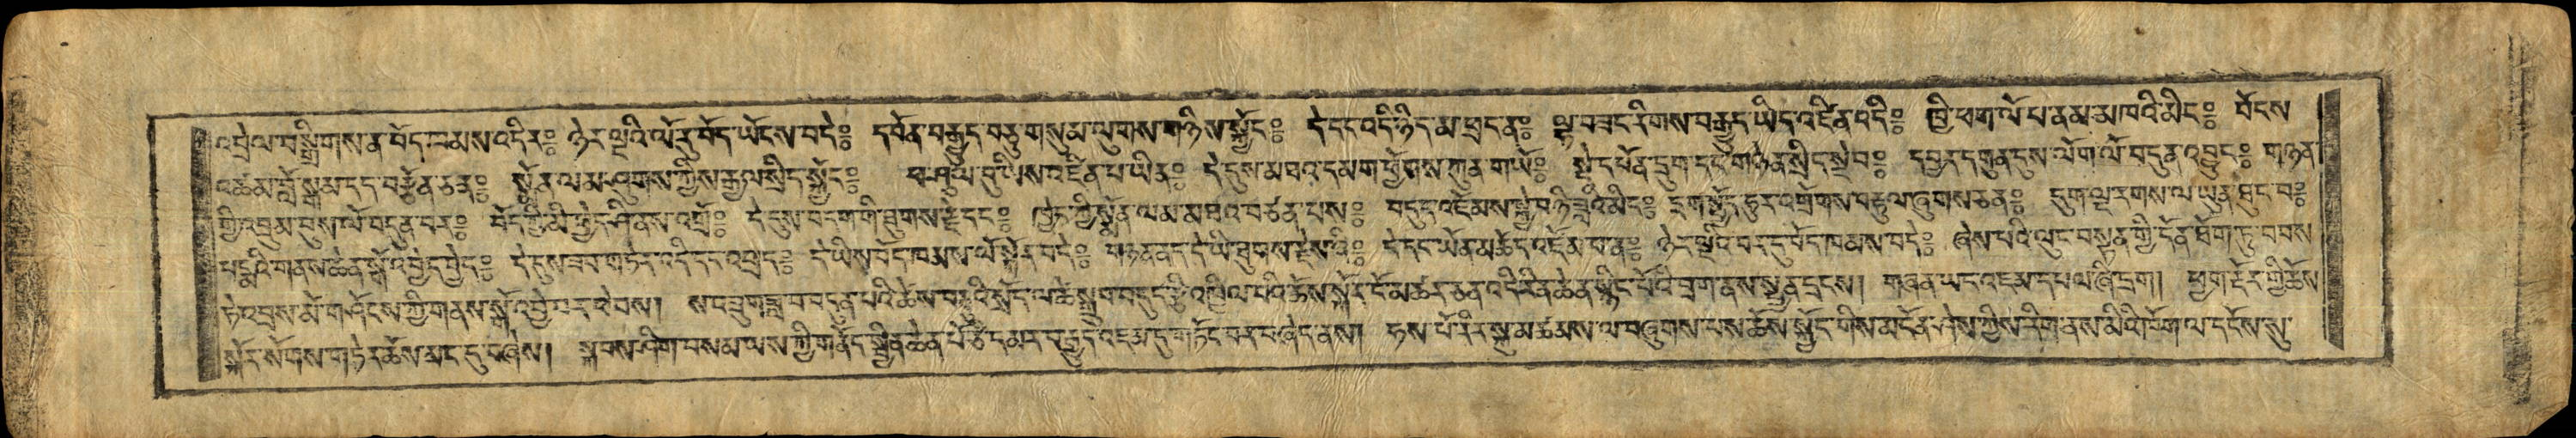འབྲེལ་བསྒྲིགས་ན་བོད་ཁམས་འདིརཿ་ཉེར་ལྔའི་ལོ་རུ་བོད་ཡོངས་བདེཿ་དབོན་བརྒྱུད་བཅུ་གསུམ་ལུགས་གཉིས་སྐྱོངཿ་དེ་དང་འདི་ཉིད་མ་ཕྲད་ནཿ་ལྷ་བཟང་རིགས་བརྒྱུད་ཡིད་འཛིན་འདིཿ་ཁྱི་ཕག་ལོ་པ་ནམ་མཁའི་མིངཿ་བོངས་
འཚམ་བློ་སྒམ་དང་བརྩོན་ཅནཿ་སྨོན་ལམ་ཤུགས་ཀྱིས་རྒྱལ་སྲིད་སྐྱོངཿ་བཤུལ་བུ་ཡིས་འཛིན་པ་ཡིནཿ་དེ་དུས་མཐའ་དམག་ཕྱོགས་ཀུན་གཡོཿ་སྡེ་དཔོན་དྲུག་དང་གཉེན་སྲིད་སྡེ་བཿ་དབྱར་དགུན་དུས་ལོག་ལོ་བདུན་འབྱུངཿ་གཉན་
གྱི་འབྲུམ་བུས་ལོ་བདུན་པརཿ་བོད་ཀྱི་མི་ཕྱེད་ཤི་ནས་འགྲོཿ་དེ་དུས་བདག་གི་ཐུགས་རྗེ་དངཿ་ཁྱེད་ཀྱི་སྨོན་ལམ་མཐའ་བཙན་པསཿ་བདུད་འཇོམས་སྐྱེ་བ་ཉི་ཟླའི་མིངཿ་དྲོག་སྤྱོད་ཧུར་འགྲོགས་བརྟུལ་ཞུགས་ཅནཿ་དུག་ལྔ་རགས་ལ་ཡུན་ཐུང་བཿ
པདམའི་གནས་ཆེན་སྒོ་འབྱེད་བྱེདཿ་དེ་དུས་ཟབ་གཏེར་འདི་དང་འཕྲདཿ་དེ་ཡིས་བོད་ཁམས་ལོ་སྐོར་བདེཿ་གཉན་ནད་དེ་ཡི་ཐུགས་རྗེས་ཞིཿ་དེ་དང་ཡོན་མཆོད་འཛོམ་པ་ནཿ་ཉེར་ལྔའི་བར་དུ་བོད་ཁམས་བདེཿ་ཞེས་པའི་ལུང་བསྟན་གྱི་དོན་ཐོག་ཏུ་བབས་
ཏེ་འབྲས་མོ་གཤོངས་ཀྱི་གནས་སྒོ་འབྱེ་བར་ཕེབས། ས་འབྲུག་ཟླ་བ་བདུན་པའི་ཚེས་བཅུའི་སྲོད་ལ་ཚེ་སྒྲུབ་བདུད་རྩི་འཁྱིལ་བའི་ཆོས་སྐོར་ངོ་མཚར་ཅན་འདི་རིན་ཆེན་སྙིང་པོའི་བྲག་ནས་སྤྱན་དྲངས། གཞན་ཡང་འཇམ་དཔལ་ཞི་དྲག། ཕྱག་རྡོར་གྱི་ཆོས་
སྐོར་སོགས་གཏེར་ཆོས་མང་དུ་བཞེས། སྐབས་ཤིག་བསམ་ཡས་ཀྱི་གནོད་སྤྱིན་ཆེན་པོ་ཅི་དམར་བརྒྱུད་འཇམ་དུ་གཏོང་བར་བཞེད་ནས། ཧས་པོ་རིང་སྐུ་མཚམས་ལ་བཞུགས་པས་ཆོས་སྐྱོང་གིས་མངོན་ཤེས་ཀྱིས་རིག་ནས་མིའི་ཁོག་ལ་དངོས་སུ་